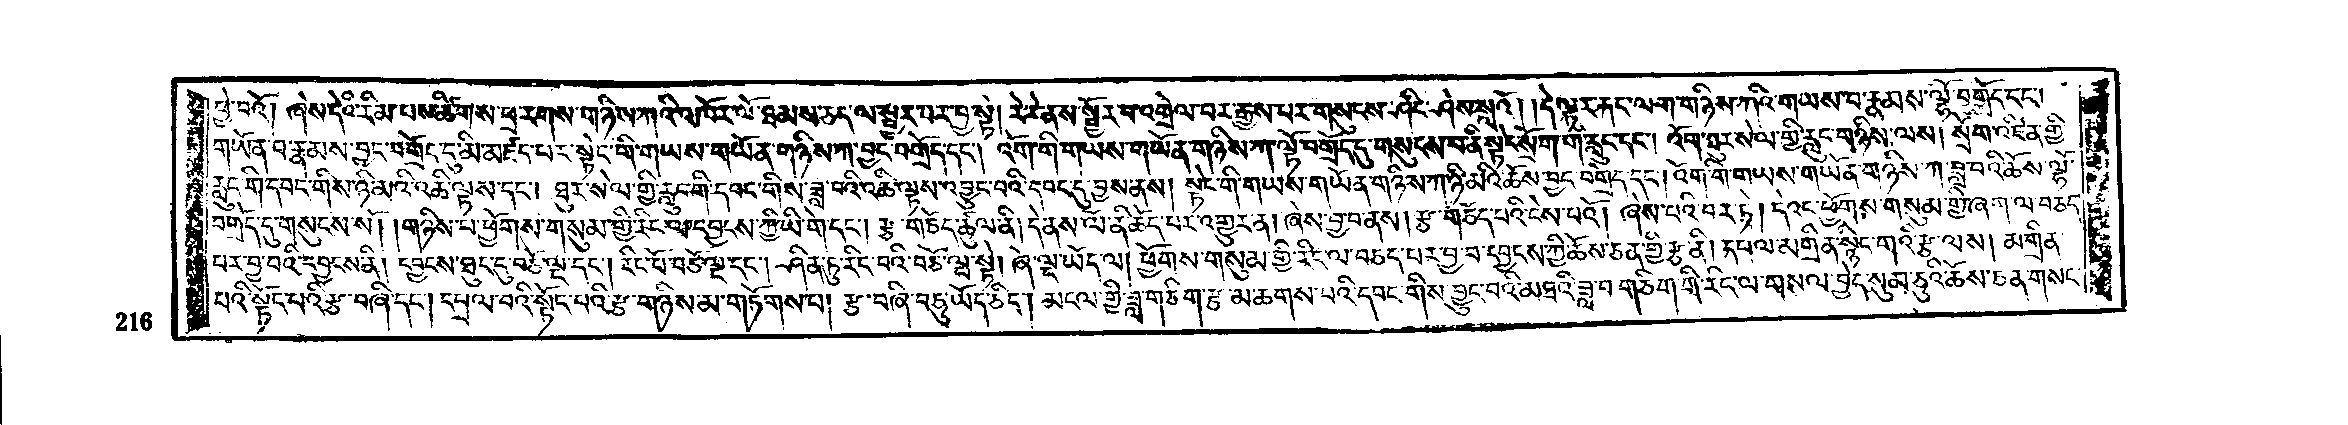ཕྱེ་བའོ། ཞེས་དེའི་རིམ་པས་ཚིགས་ཕྲ་རགས་གཉིས་ཀའི་འཁོར་ལོ་ཐམས་ཅད་ལ་སྦྱར་བར་བྱ་སྟེ། རེ་རེ་ནས་སྦྱོར་བ་འགྲེལ་པར་རྒྱས་པར་གསུངས་ཤིང་ཤེས་སླའོ། །དེ་ལྟར་རྐང་ལག་གཉིས་ཀའི་གཡས་པ་རྣམས་ལྷོ་བགྲོད་དང་།
གཡོན་པ་རྣམས་བྱང་བགྲོད་དུ་མི་མཛད་པར་སྟེང་གི་གཡས་གཡོན་གཉིས་ཀ་བྱང་བགྲོད་དང་། འོག་གི་གཡས་གཡོན་གཉིས་ཀ་ལྟོ་བགྲོད་དུ་གསུངས་པ་ནི་སྟེང་སྲོག་གི་རླུང་དང་། འོག་ཐུར་སེལ་གྱི་རླུང་གཉིས་ལས། སྲོག་འཛིན་གྱི་
རླུང་གི་དབང་གིས་ཉི་མའི་འཆི་ལྟས་དང་། ཐུར་སེལ་གྱི་རླུང་གི་དབང་གིས་ཟླ་བའི་འཆི་ལྟས་འབྱུང་བའི་དབང་དུ་བྱས་ནས། སྟེང་གི་གཡས་གཡོན་གཉིས་ཀ་ཉི་མའི་ཆོས་བྱེད་བགྲེད་དང་། འོག་གི་གཡས་གཡོན་གཉིས་ཀ་ཟླ་བའི་ཆོས་ལྷོ་
བགྲོད་དུ་གསུངས་སོ། །གཉིས་པ་ཕྱོགས་གསུམ་གྱི་རིང་ལ་དབྱངས་ཀྱི་ཡི་གེ་དང་། རྩ་གཅོད་ཚུལ་ནི། དེ་ནས་ལོ་ནི་ཆོད་པར་འགྱུར་ན། ཞེས་བྱ་བ་ནས། རྩ་གཅོད་པའི་ངེས་པའོ། ཞེས་པའི་བར་ཏེ། དེའང་ཕྱོགས་གསུམ་གྱི་ཞག་ལ་བཅད་
པར་བྱ་བའི་དབྱངས་ནི། དབྱངས་ཐུང་དུ་བཅོ་ལྔ་དང་། རིང་པོ་བཅོ་ལྔ་དང་། ཤིན་ཏུ་རིང་བའི་བཅོ་ཝ་སྟེ། ཞེ་ལྔ་ཡོད་ལ། ཕྱོགས་གསུམ་གྱི་རིང་ལ་བཅད་པར་བྱ་བ་དབྱངས་ཀྱི་ཆོས་ཅན་གྱི་རྩ་ནི། དཔལ་མགྲིན་སྙིང་གའི་རྩ་ལས། མགྲིན་
པའི་སྟོང་པའི་རྩ་བཞི་དང་། དཔྲལ་བའི་སྟོང་པའི་རྩ་གཉིས་མ་གཏོགས་པ། རྩ་བཞི་བཅུ་ཡོད་ཅིང་། མངལ་གྱི་ཟླ་གཅིག་རྩ་མ་ཆགས་པའི་དབང་གིས་བྱུང་བའི་མཐའི་ཟླ་བ་གཅིག་གི་རིང་ལ་གསལ་བྱེད་སུམ་ཅུའི་ཆོས་ཅན་གསང་